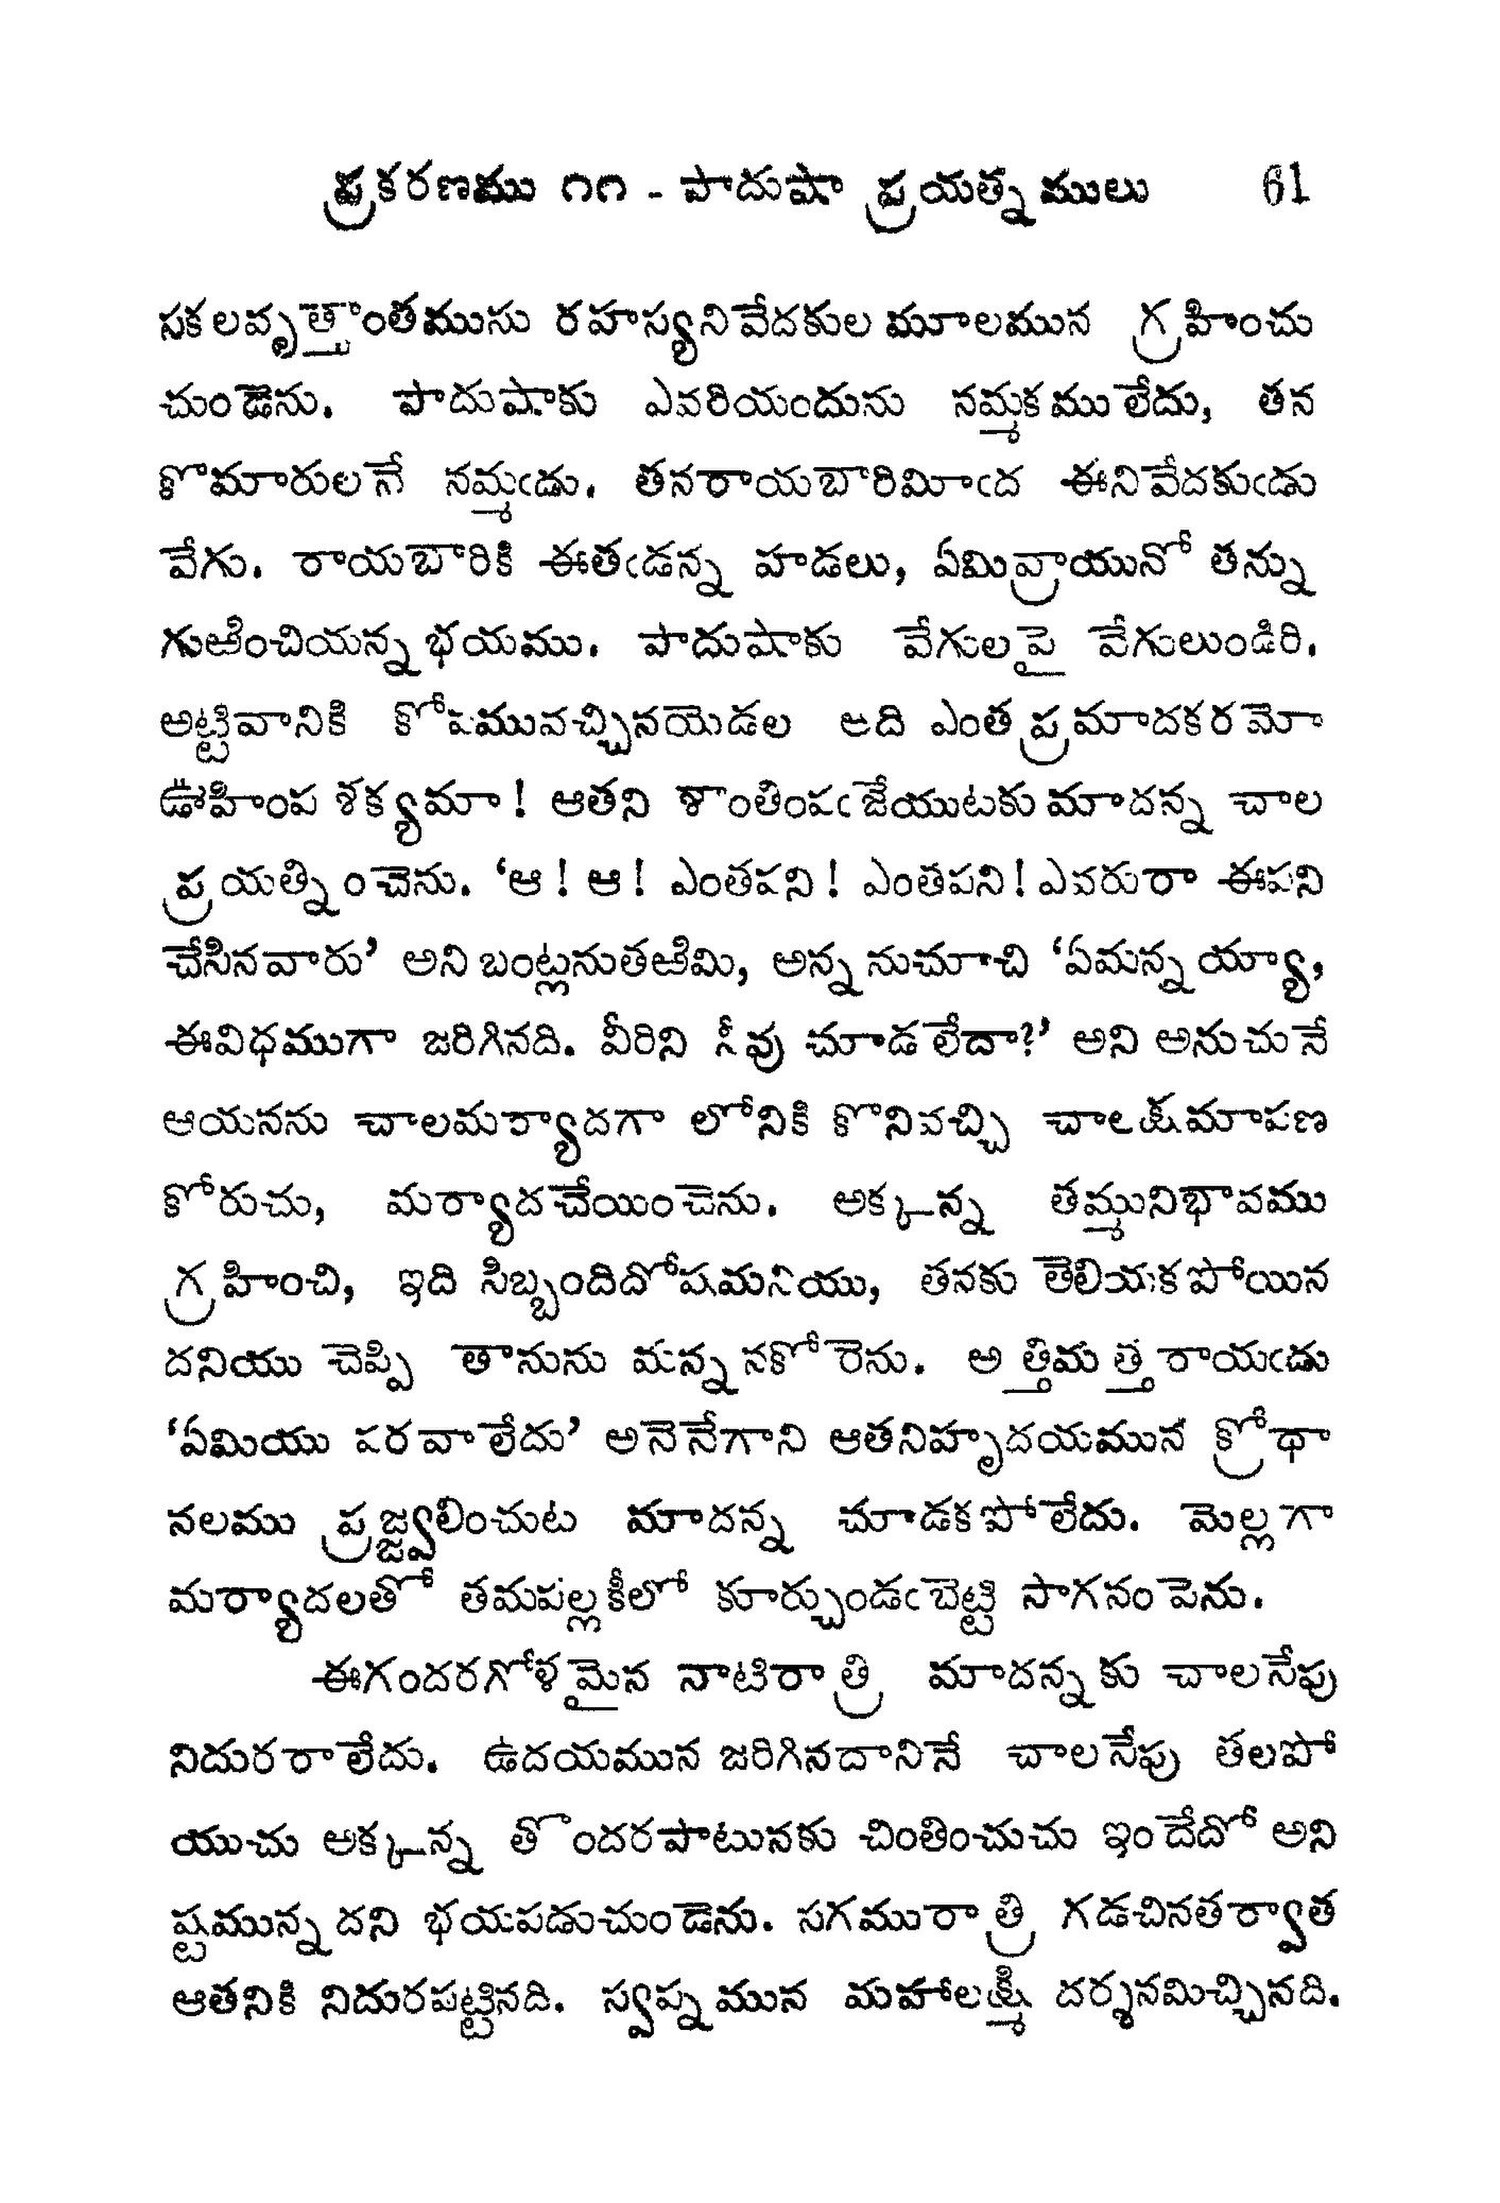సకలవృత్తాంతమును రహస్యనివేదకుల మూలమున గ్రహించు చుండెసు. పాదుషాకు ఎవరియందును నమ్మకములేదు, తన కొమారులనే నమ్మఁడు. తనరాయబారిమీఁద ఈనివేదకుఁడు వేగు. రాయబారికి ఈతఁడన్న హడలు, ఏమివ్రాయునో తన్ను గుఱించియన్న భయము. పాదుషాకు వేగులపై వేగులుండిరి. అట్టివానికి కోపమువచ్చినయెడల అది ఎంత ప్రమాదకరమో ఊహింప శక్యమా! ఆతని శాంతింపఁజేయుటకు మాదన్న చాల ప్రయత్నించెను. ‘ఆ! ఆ! ఎంతపని! ఎంతపని! ఎవరురా ఈపని చేసినవారు’ అని బంట్లనుతఱిమి, అన్ననుచూచి ‘ఏమన్నయ్యా, ఈవిధముగా జరిగినది. వీరిని నీవు చూడలేదా?’ అని అనుచునే ఆయనను చాలమర్యాదగా లోనికి కొనివచ్చి చాలక్షమాపణ కోరుచు, మర్యాదచేయించెను. అక్కన్న తమ్మునిభావము గ్రహించి, ఇది సిబ్బందిదోషమనియు, తనకు తెలియకపోయిన దనియు చెప్పి తానును మన్ననకోరెను. అత్తిమత్తరాయఁడు ‘ఏమియు పరవాలేదు’ అనెనేగాని ఆతనిహృదయమున క్రోధానలము ప్రజ్జ్వలించుట మాదన్న చూడకపోలేదు. మెల్లగా మర్యాదలతో తమపల్లకీలో కూర్చుండఁబెట్టి సాగనంపెను.

ఈగందరగోళమైన నాటిరాత్రి మాదన్నకు చాలసేపు నిదురరాలేదు. ఉదయమున జరిగినదానినే చాలసేపు తలపోయుచు అక్కన్న తొందరపాటునకు చింతించుచు ఇందేదో అనిష్టమున్నదని భయపడుచుండెను. సగమురాత్రి గడచినతర్వాత ఆతనికి నిదురపట్టినది. స్వప్నమున మహాలక్ష్మి దర్శనమిచ్చినది.